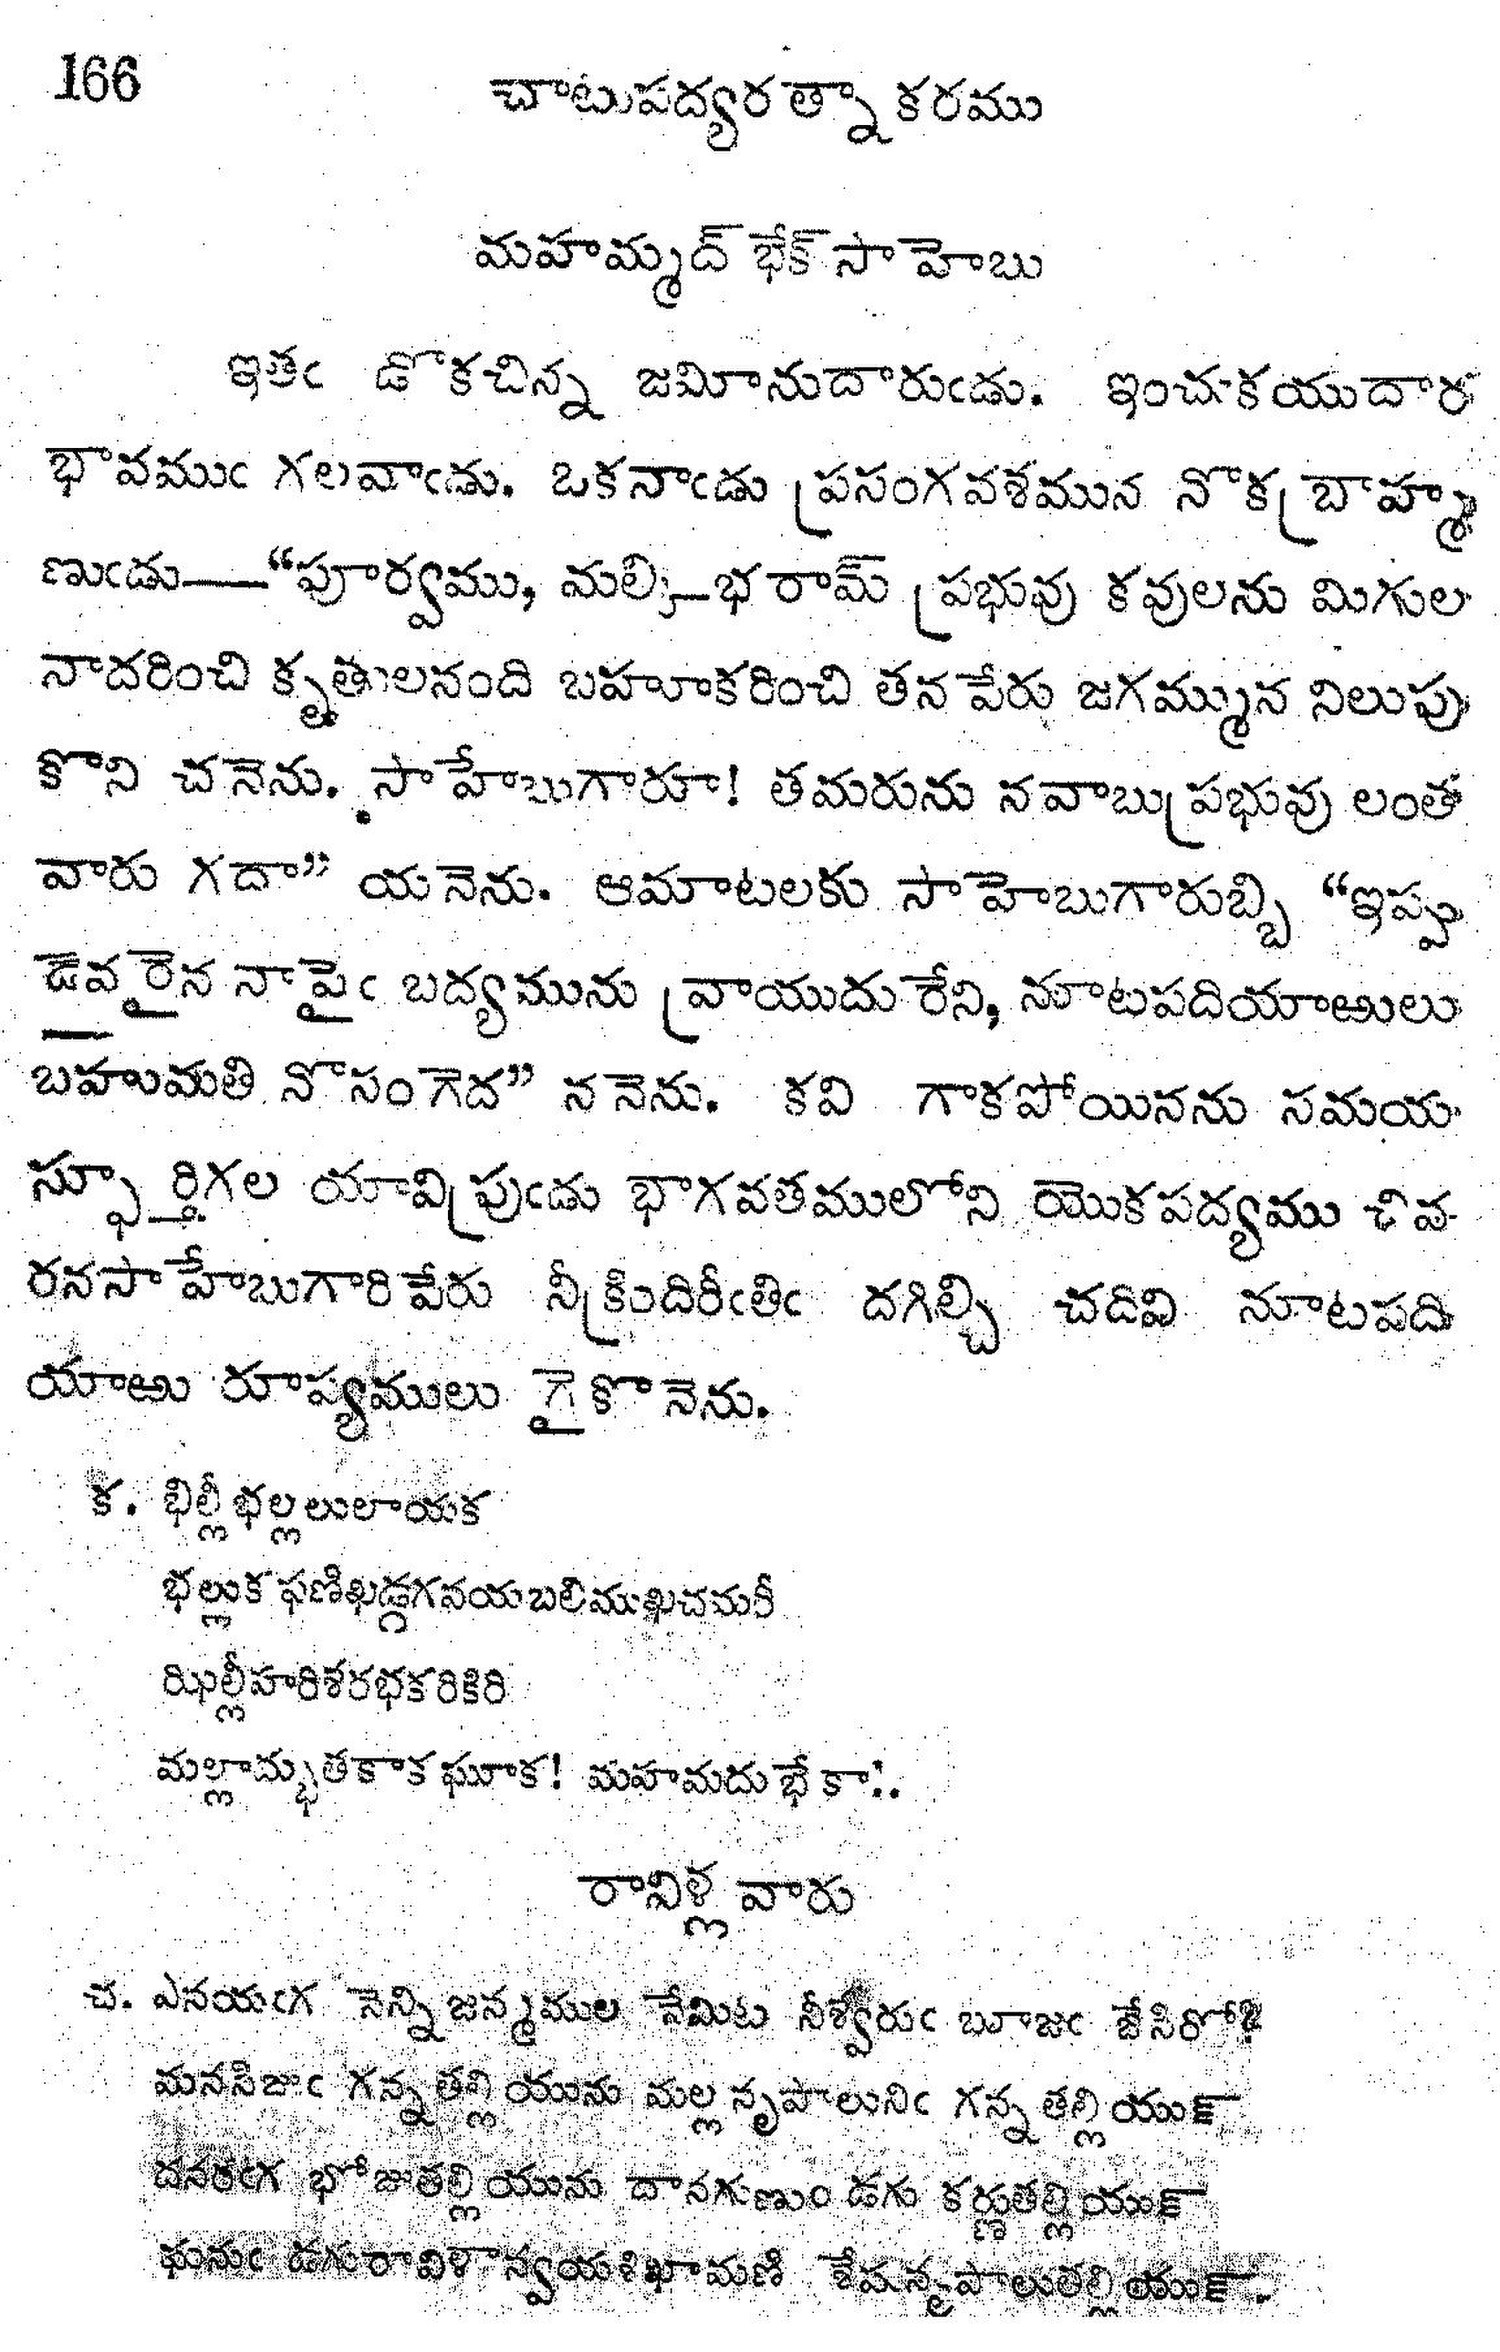ఇతఁ డొకచిన్నజమీనుదారుఁడు. ఇంచుకయుదారస్వభావముఁ గలవాఁడు. ఒకనాఁడు ప్రసంగవశమున నొకబ్రాహ్మణుఁడు— “పూర్వము, మల్కిభరామ్ ప్రభువు కవులను మిగుల నాదరించి కృతులనంది బహూకరించి తనపేరు జగమ్మున నిలుపుకొని చనెను. సాహేబుగారు! తమరును నవాబుప్రభువు లంతవారు గదా” యనెను. ఆమాటలకు సాహెబుగా రుబ్బి “ఇప్పు డెవరైన నాపైఁ బద్యమును వ్రాయుదురేని, నూటపదియాఱులు బహుమతి నొసంగెద” ననెను. కవి గాకపోయినను సమయస్ఫూర్తిగల యావిప్రుఁడు భాగతములోని యొకపద్యము చివరన సాహేబుగారిపేరు నీక్రిందిరీఁతిఁ దగిల్చి చదివి నూటపదియాఱు రూప్యములు గైకొనెను.

క. భిల్లీభల్లలులాయక
 భల్లుకఫణిఖడ్గగవయబలిముఖచమరీ
 ఝిల్లీహరిశరభకరికిరి
 మల్లాద్భుతకాకఘూక! మహమదుభేకా!

చ. ఎనయఁగ నెన్నిజన్మముల నేమిట నీశ్వరుఁ బూజఁ జేసిరో?
 మనసిజుఁ గన్నతల్లియును మల్లనృపాలునిఁ గన్నతల్లియున్
 దనరఁగ భోజుతల్లియును దానగుణుం డగు కర్ణుతల్లియున్
 ఘనుఁ డగురావిళాన్వయశిఖామణి శేషనృపాలుతల్లియున్.